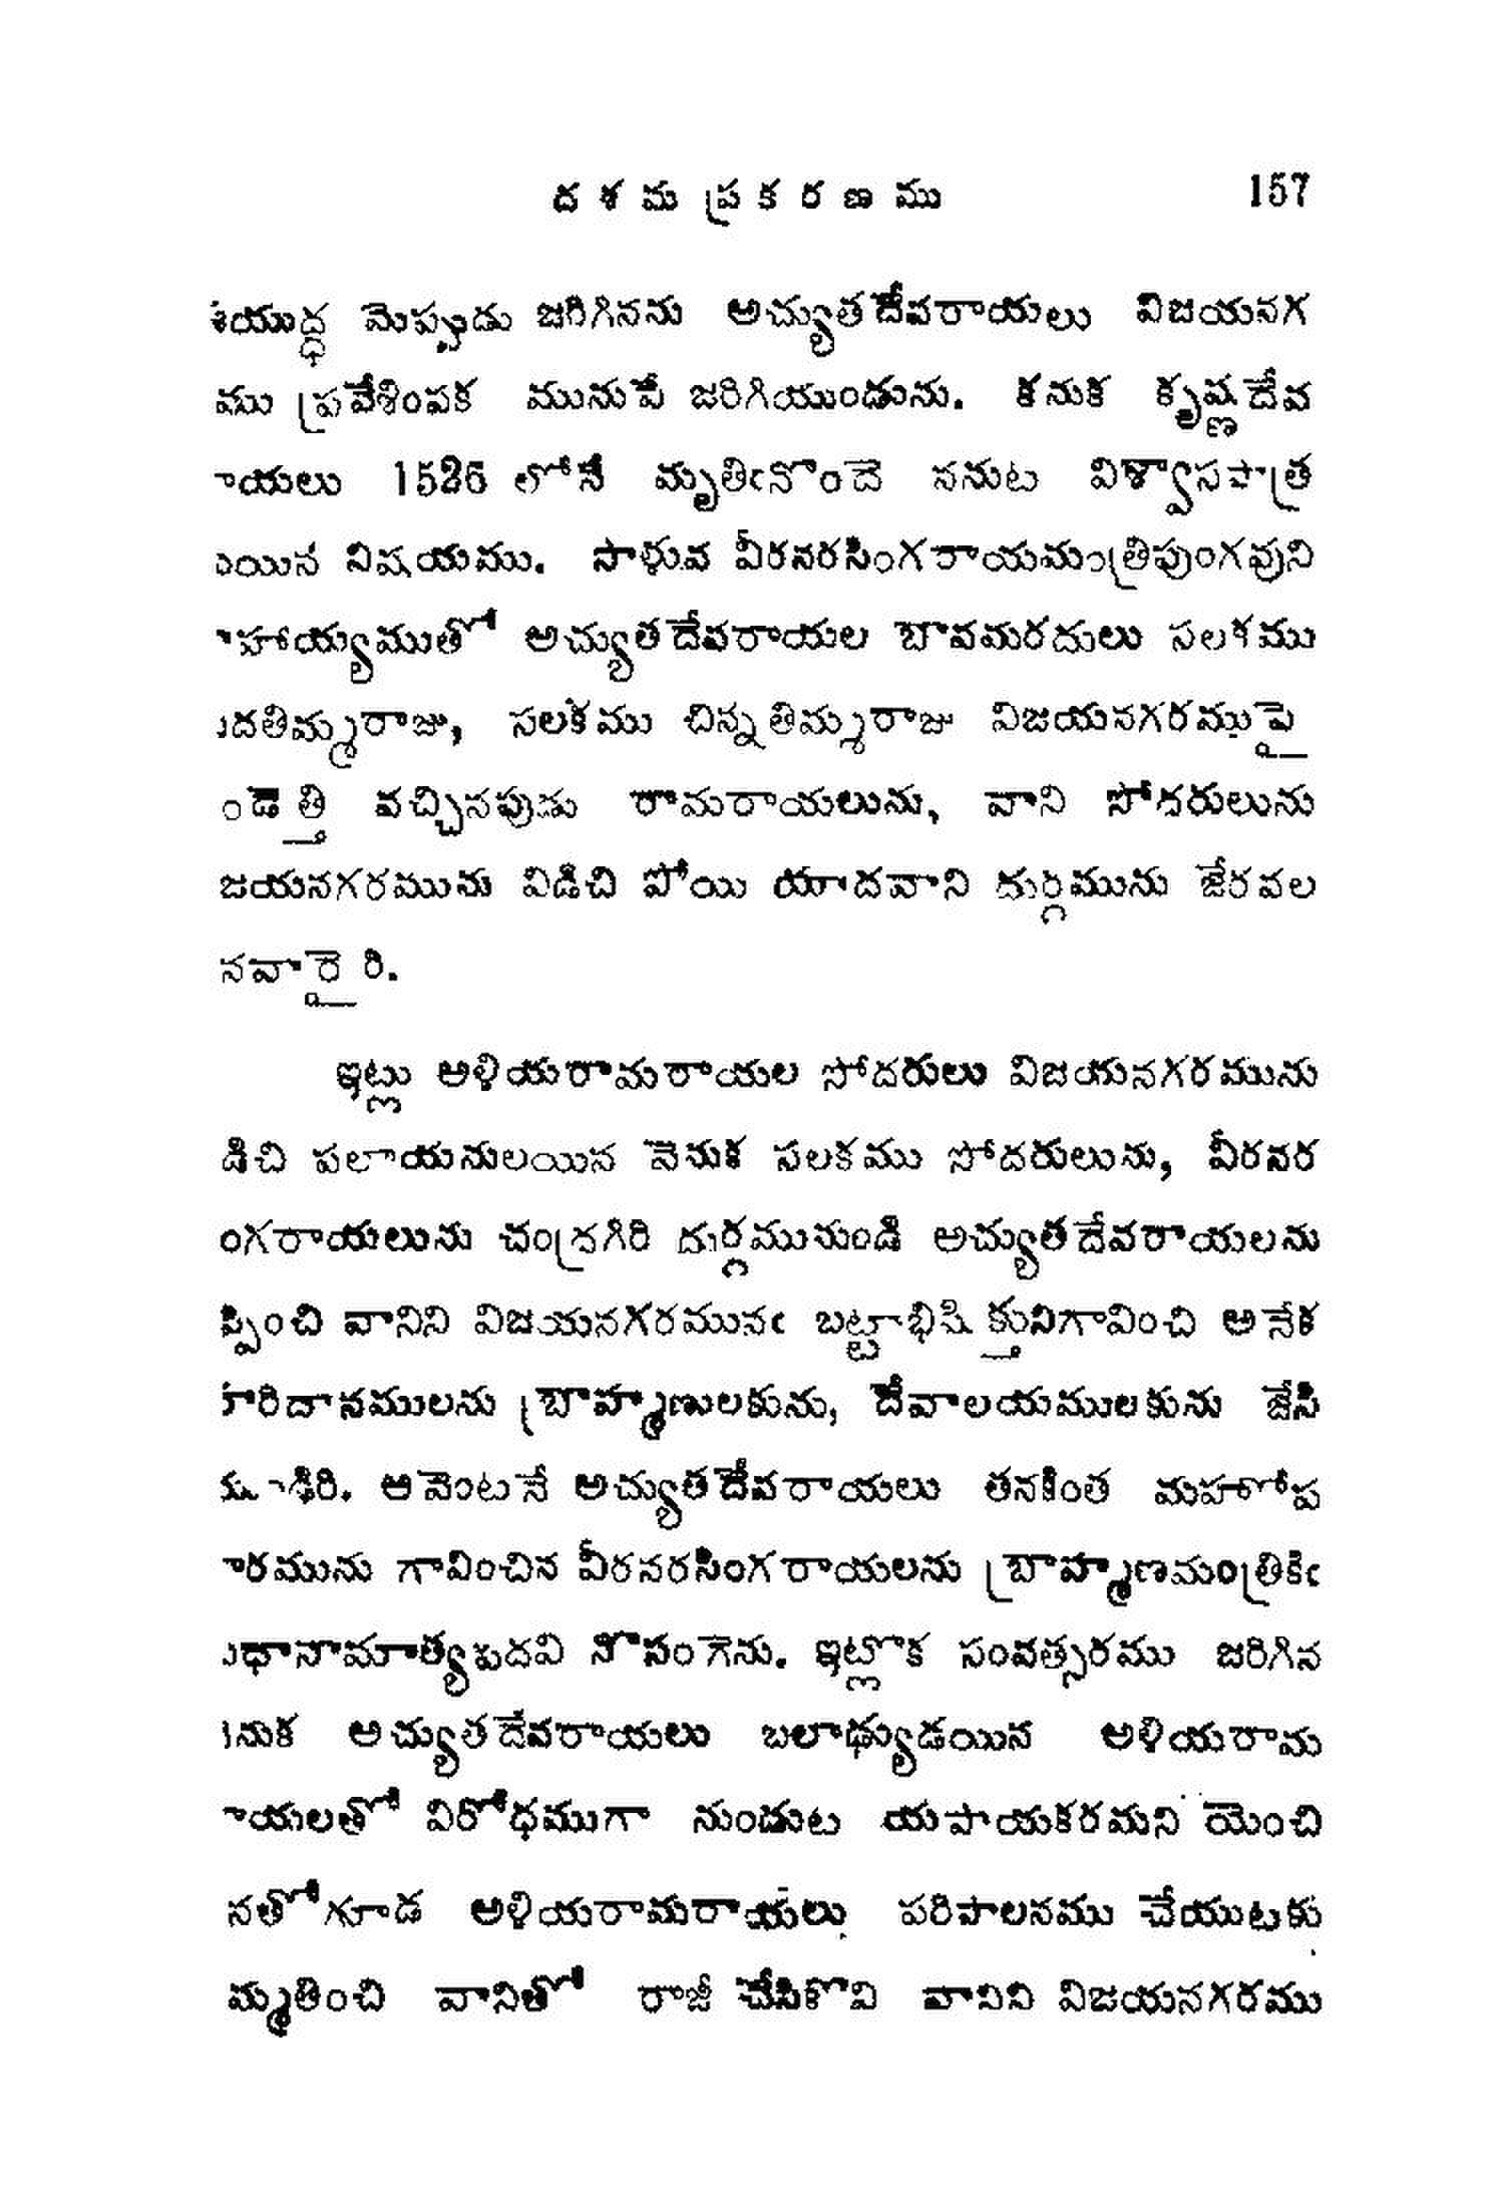ఈయుద్ద మెప్పుడు జరిగినను అచ్యుతదేవరాయలు విజయనగరము ప్రవేశింపక మునుపే జరిగియుండును. కనుక కృష్ణదేవరాయలు 1526 లోనే మృతిఁనొందె ననుట విశ్వాసపాత్రమయిన విషయము. సాళువ వీరనరసింగరాయమంత్రిపుంగవుని సహాయ్యముతో అచ్యుతదేవరాయల బావమరదులు సలకము పెదతిమ్మరాజు, సలకము చిన్నతిమ్మరాజు విజయనగరముపై దండెత్తి వచ్చినపుడు రామరాయలును, వాని సోదరులును విజయనగరమును విడిచి పోయి యాదవాని దుర్గమును జేరవలసినవారైరి.

ఇట్లు అళియరామరాయల సోదరులు విజయనగరమును విడిచి పలాయనులయిన వెనుక సలకము సోదరులును, వీరనరసింగరాయలును చంద్రగిరి దుర్గమునుండి అచ్యుతదేవరాయలను రప్పించి వానిని విజయనగరమునఁ బట్టాభిషిక్తునిగావించి అనేక హరిదానములను బ్రాహ్మణులకును, దేవాలయములకును జేసి యుండిరి. ఆవెంటనే అచ్యుతదేవరాయలు తనకింత మహోపకారమును గావించిన వీరనరసింగరాయలను బ్రాహ్మణమంత్రికిఁ ప్రధానామాత్యపదవి నొసంగెను. ఇట్లొక సంవత్సరము జరిగిన
వెనుక అచ్యుతదేవరాయలు బలాఢ్యుడయిన అళియరామరాయలతో విరోధముగా నుండుట యపాయకరమని యెంచి తనతోగూడ అళియరామరాయలు పరిపాలనము చేయుటకు సమ్మతించి వానితో రాజీ చేసికొని వానిని విజయనగరము